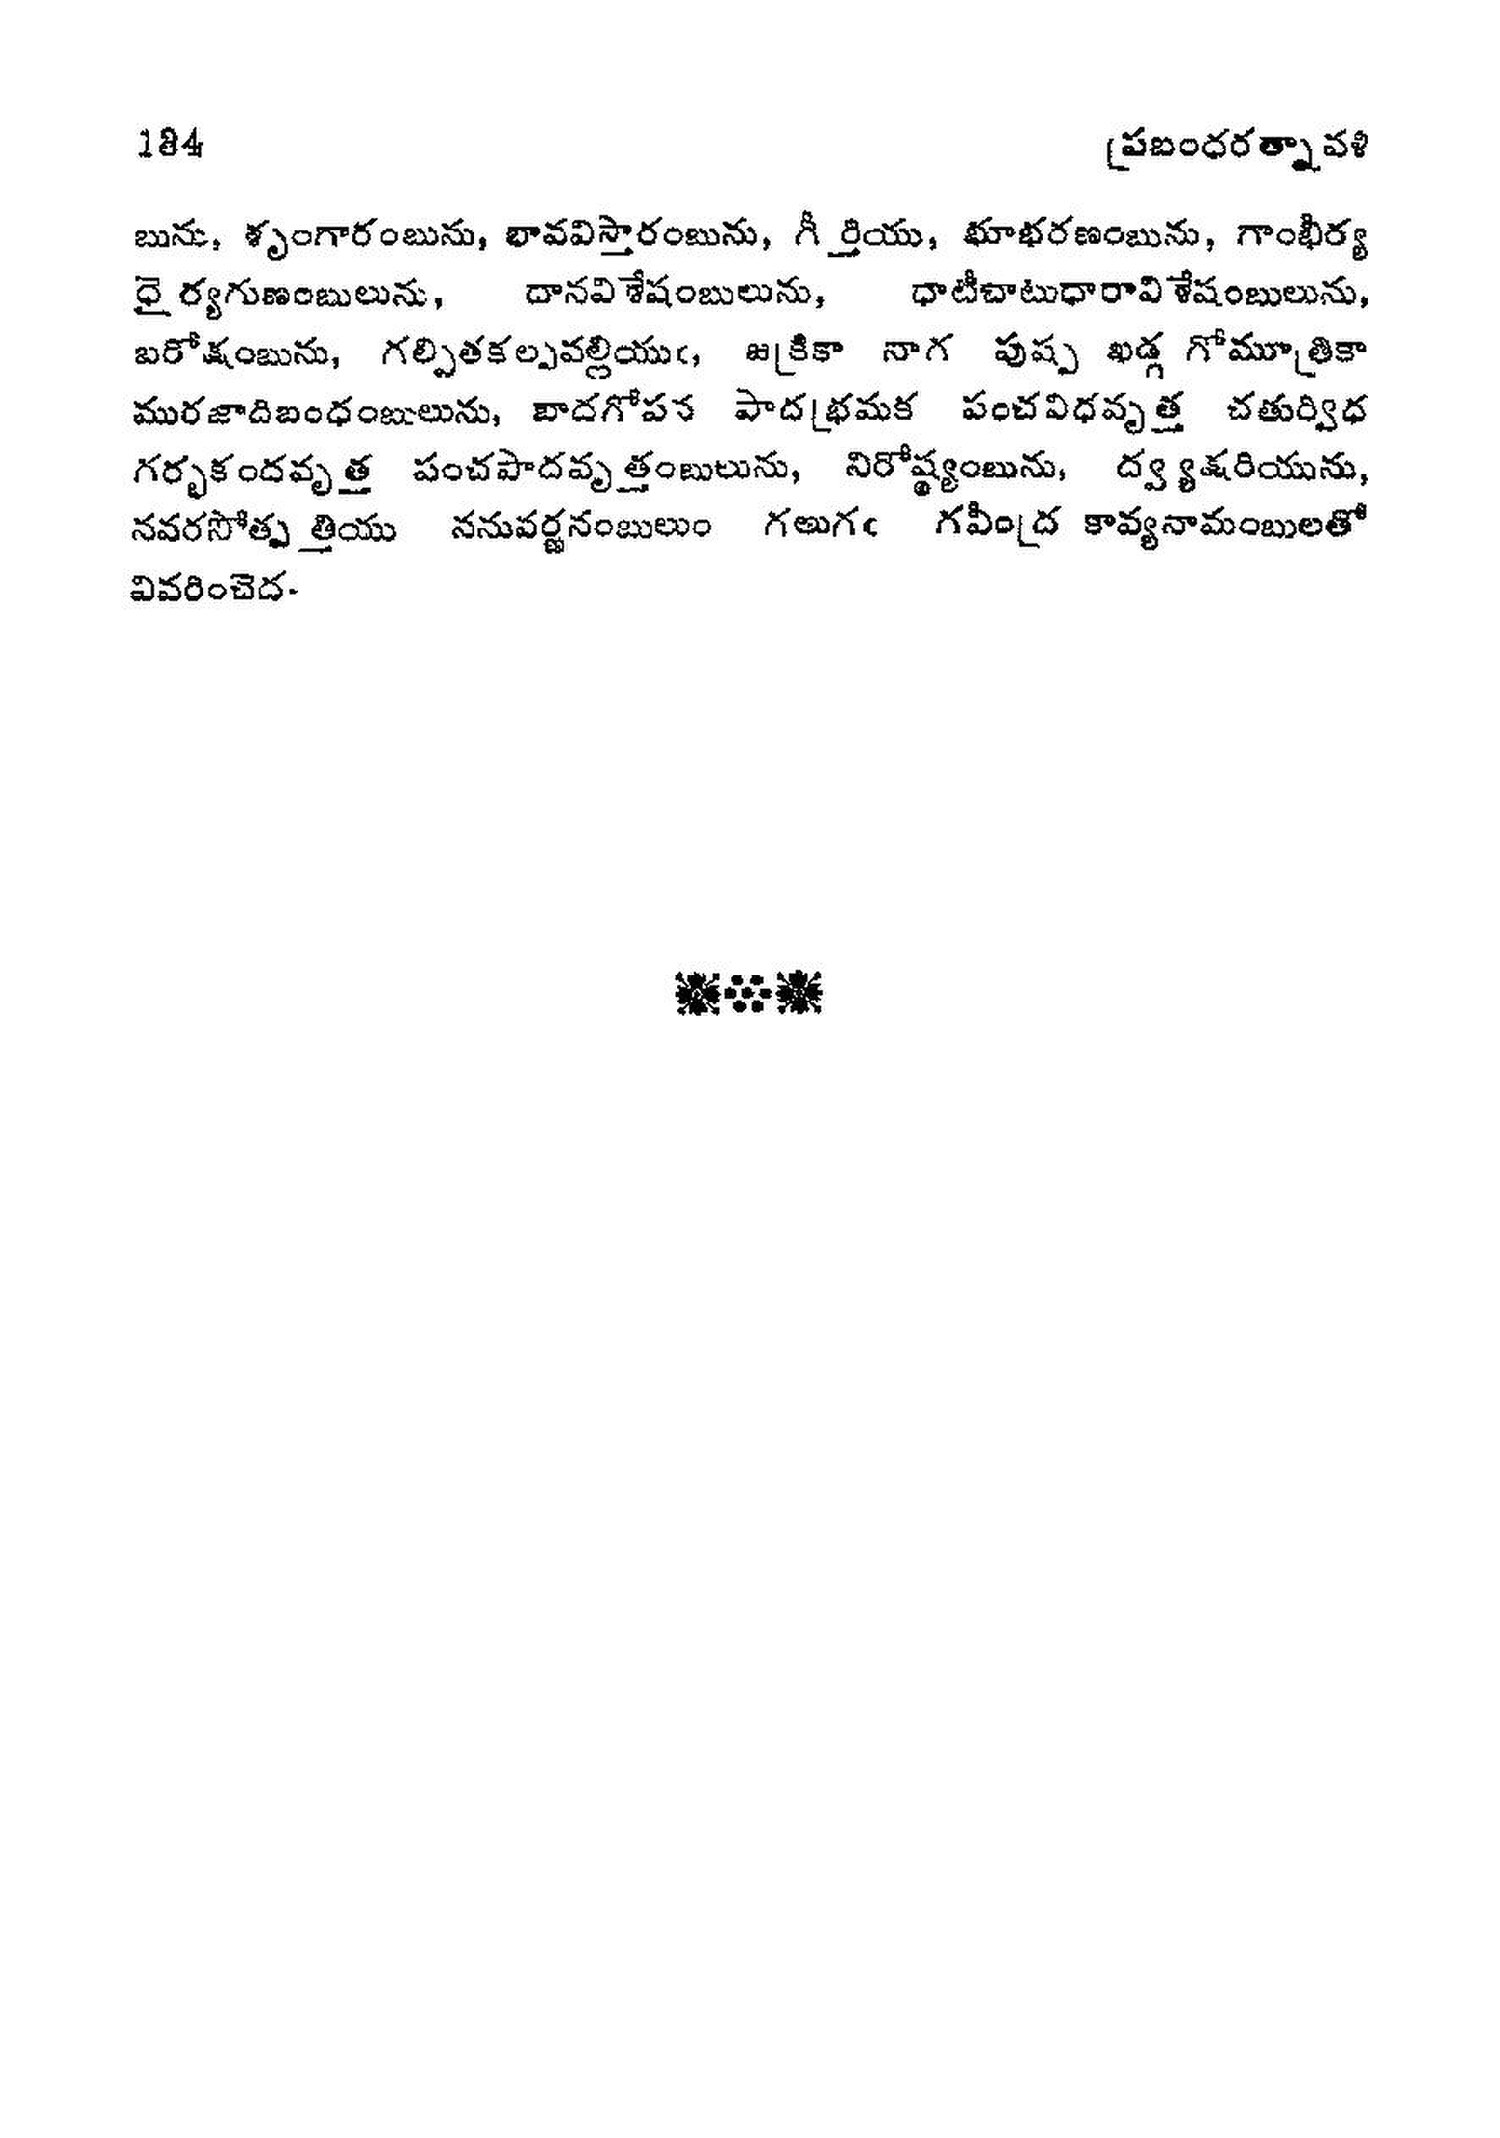బును, శృంగారంబును, భావవిస్తారంబును, గీర్తియు, భూభరణంబును, గాంభీర్యధైర్యగుణంబులును, దానవిశేషంబును, ధాటీచాటుధారావిశేషంబులును, బరోక్షంబును, గల్పితకల్పవల్లియు, చక్రికానాగపుష్పఖడ్గగోమూత్రికామురజాదిబంధంబులును, బాదగోపన పాదభ్రమక పంచవిధవృత్త చతుర్విధగర్భకందవృత్త పంచపాదవృత్తంబులును, నిరోష్ఠ్యంబును, ద్వ్యక్షరియును, నవరసోత్పత్తియు, నను వర్ణనంబులు గలుగఁ గవీంద్ర కావ్యనామంబులతో వివరించెద.